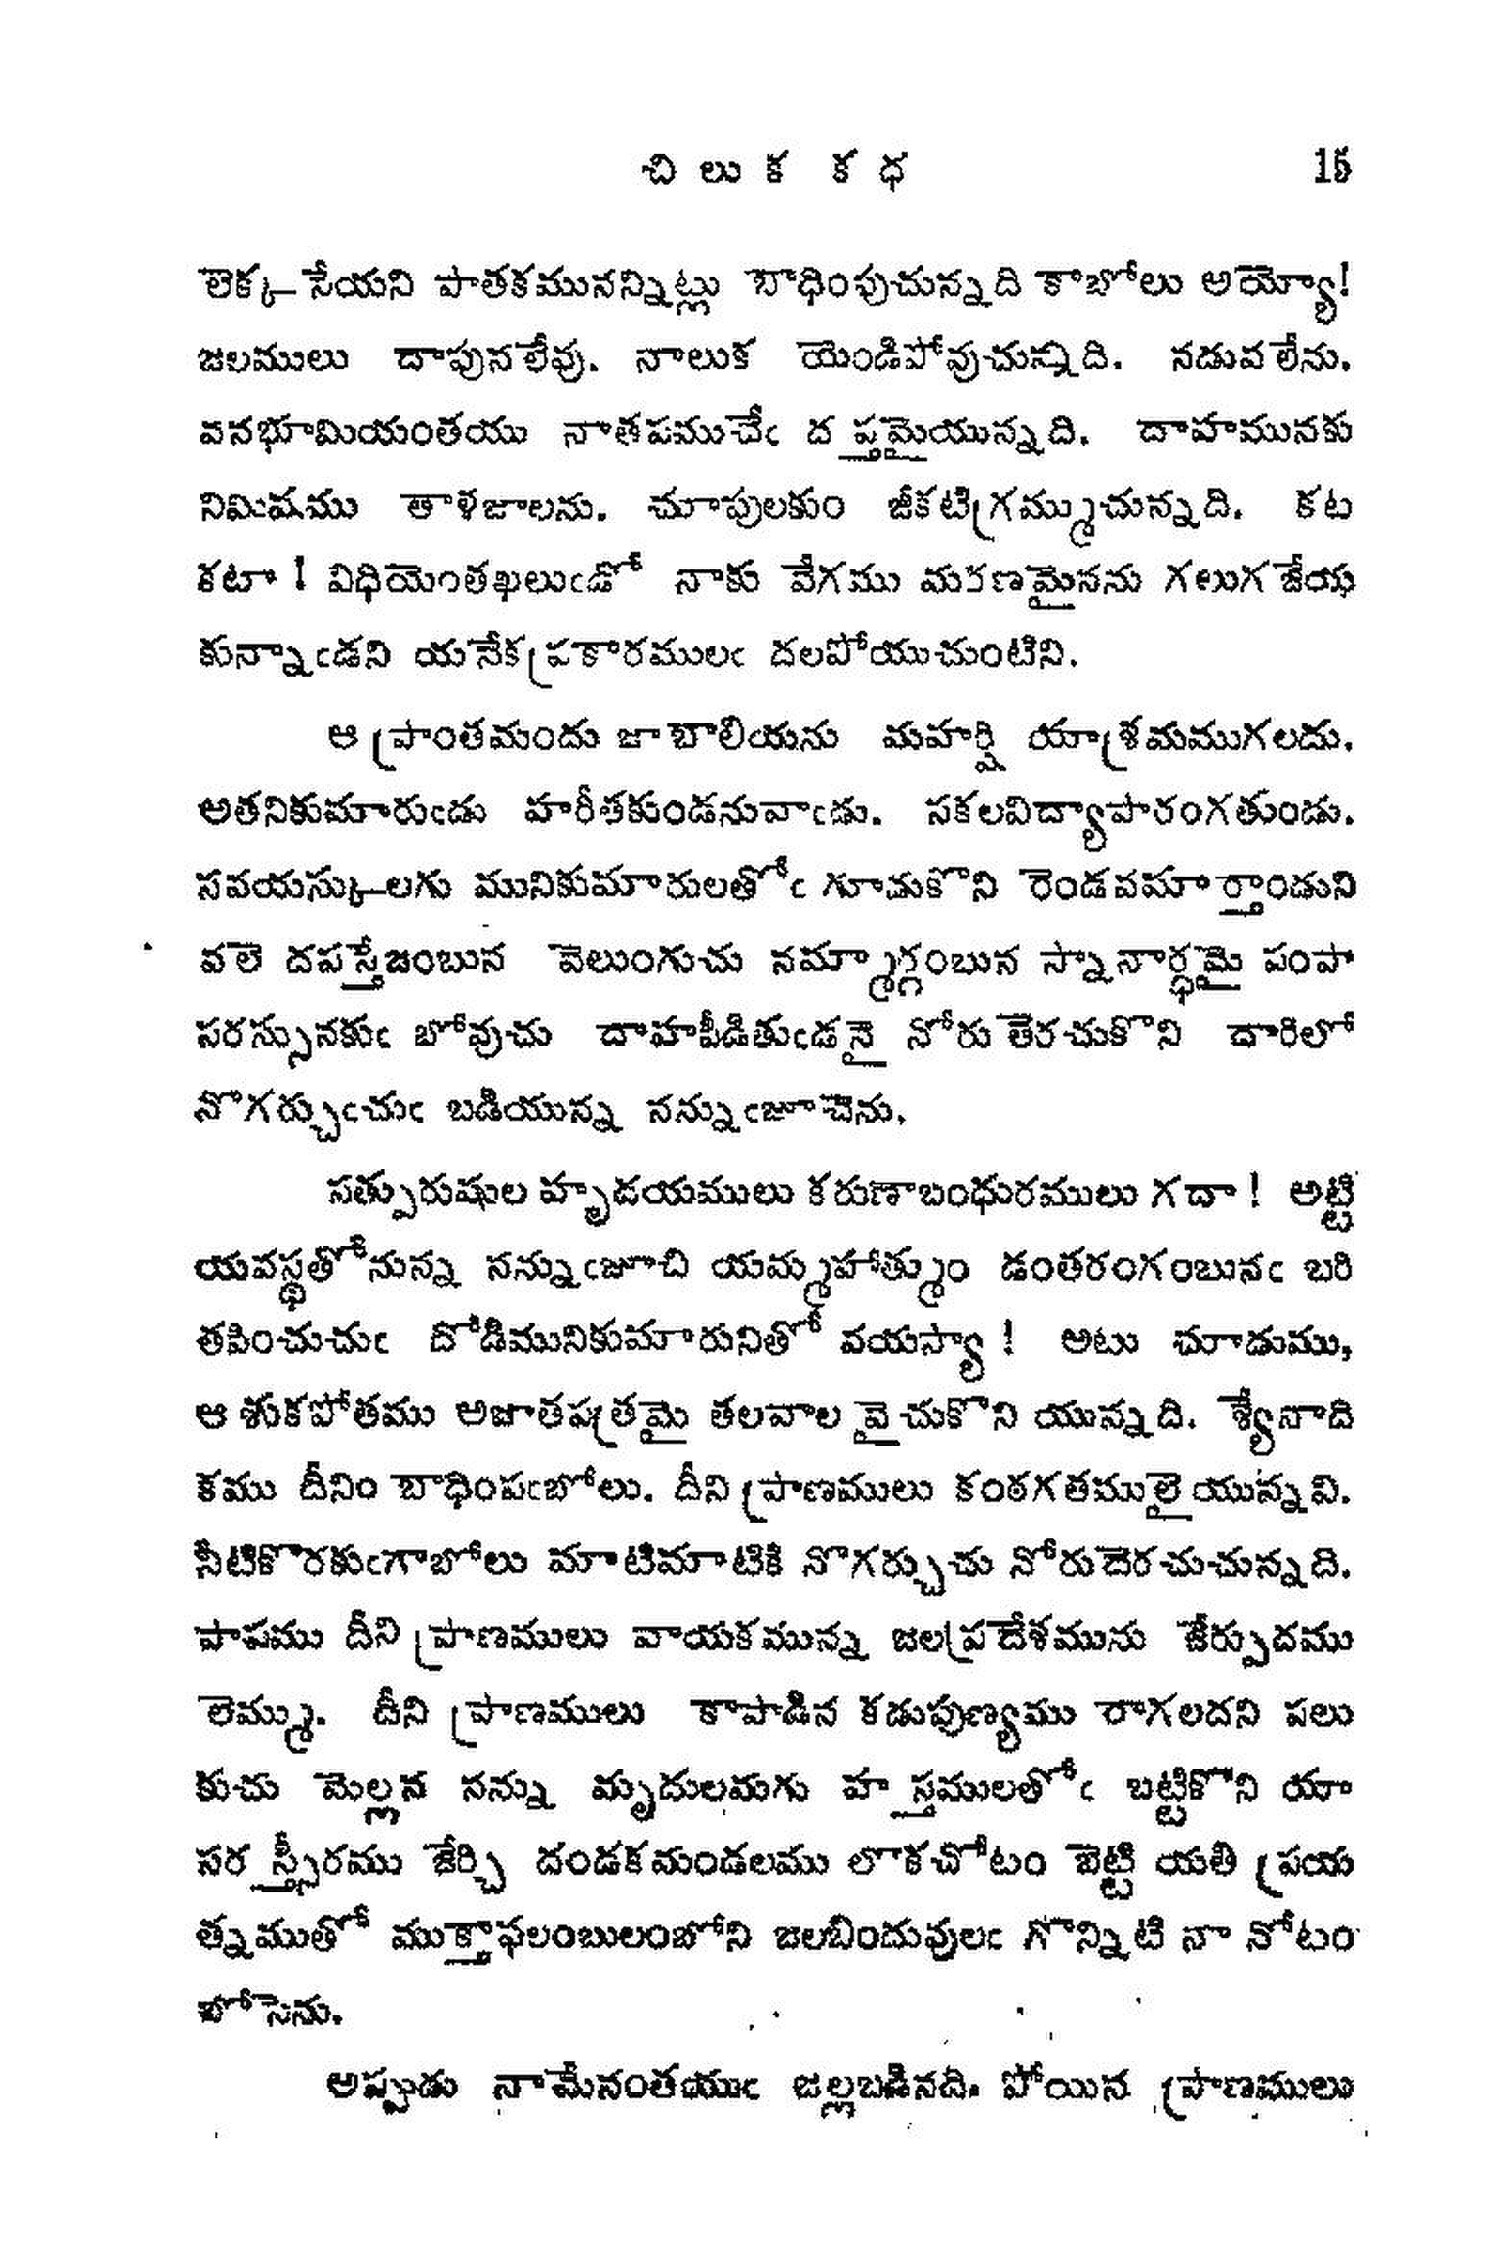లెక్క సేయని పాతకమునన్నిట్లు బాధింపుచున్నది కాబోలు అయ్యో! జలములు దాపునలేవు. నాలుక యెండిపోవుచున్నది. నడువలేను. వనభూమియంతయు నాతపముచేఁ దప్తమైయున్నది. దాహమునకు నిమిషము తాళజాలను. చూపులకుం జీకటిగ్రమ్ముచున్నది. కటకటా! విధియెంతఖలుఁడో నాకు వేగము మరణమైనను గలుగజేయ కున్నాఁడని యనేకప్రకారములఁ దలపోయుచుంటిని.

ఆ ప్రాంతమందు జాబాలియను మహర్షి యాశ్రమముగలదు. అతనికుమారుఁడు హతీతకుండనువాఁడు. సకలవిద్యాపారంగతుండు. సవయస్కులగు మునికుమారులతోఁ గూడుకొని రెండవమార్తాండుని వలె దపస్తేజంబున వెలుంగుచు నమ్మార్గంబున స్నానార్ధమై పంపా సరస్సునకుఁ బోవుచు దాహపీడితుఁడనై నోరు తెరచుకొని దారిలో నొగర్చుఁచుఁ బడియున్న నన్నుఁజూచెను.

సత్పురుషుల హృదయములు కరుణాబంధురములు గదా! అట్టి యవస్థతోనున్న నన్నుఁజూచి యమ్మహాత్ముం డంతరంగంబునఁ బరితపించుచుఁ దోడిమునికుమారునితో వయస్యా! అటు చూడుము, ఆ శుకపోతము అజాతపత్రమై తలవాల వైచుకొని యున్నది. శ్యేనాదికము దీనిం బాధింపఁబోలు. దీని ప్రాణములు కంఠగతములై యున్నవి. నీటికొరకుఁగాబోలు మాటిమాటికి నొగర్చుచు నోరుదెరచుచున్నది. పాపము దీని ప్రాణములు వాయకమున్న జలప్రదేశమును జేర్పుదము లెమ్ము. దీని ప్రాణములు కాపాడిన కడుపుణ్యము రాగలదని పలుకుచు మెల్లన నన్ను మృదులమగు హస్తములతోఁ బట్టికొని యా సర స్త్సీరము జేర్చి దండకమండలము లొకచోటం బెట్టి యతి ప్రయత్నముతో ముక్తాఫలంబులంబోని జలబిందువులఁ గొన్నిటి నా నోటం బోసెను.

అప్పుడు నామేనంతయుఁ జల్లబడినది. పోయిన ప్రాణములు